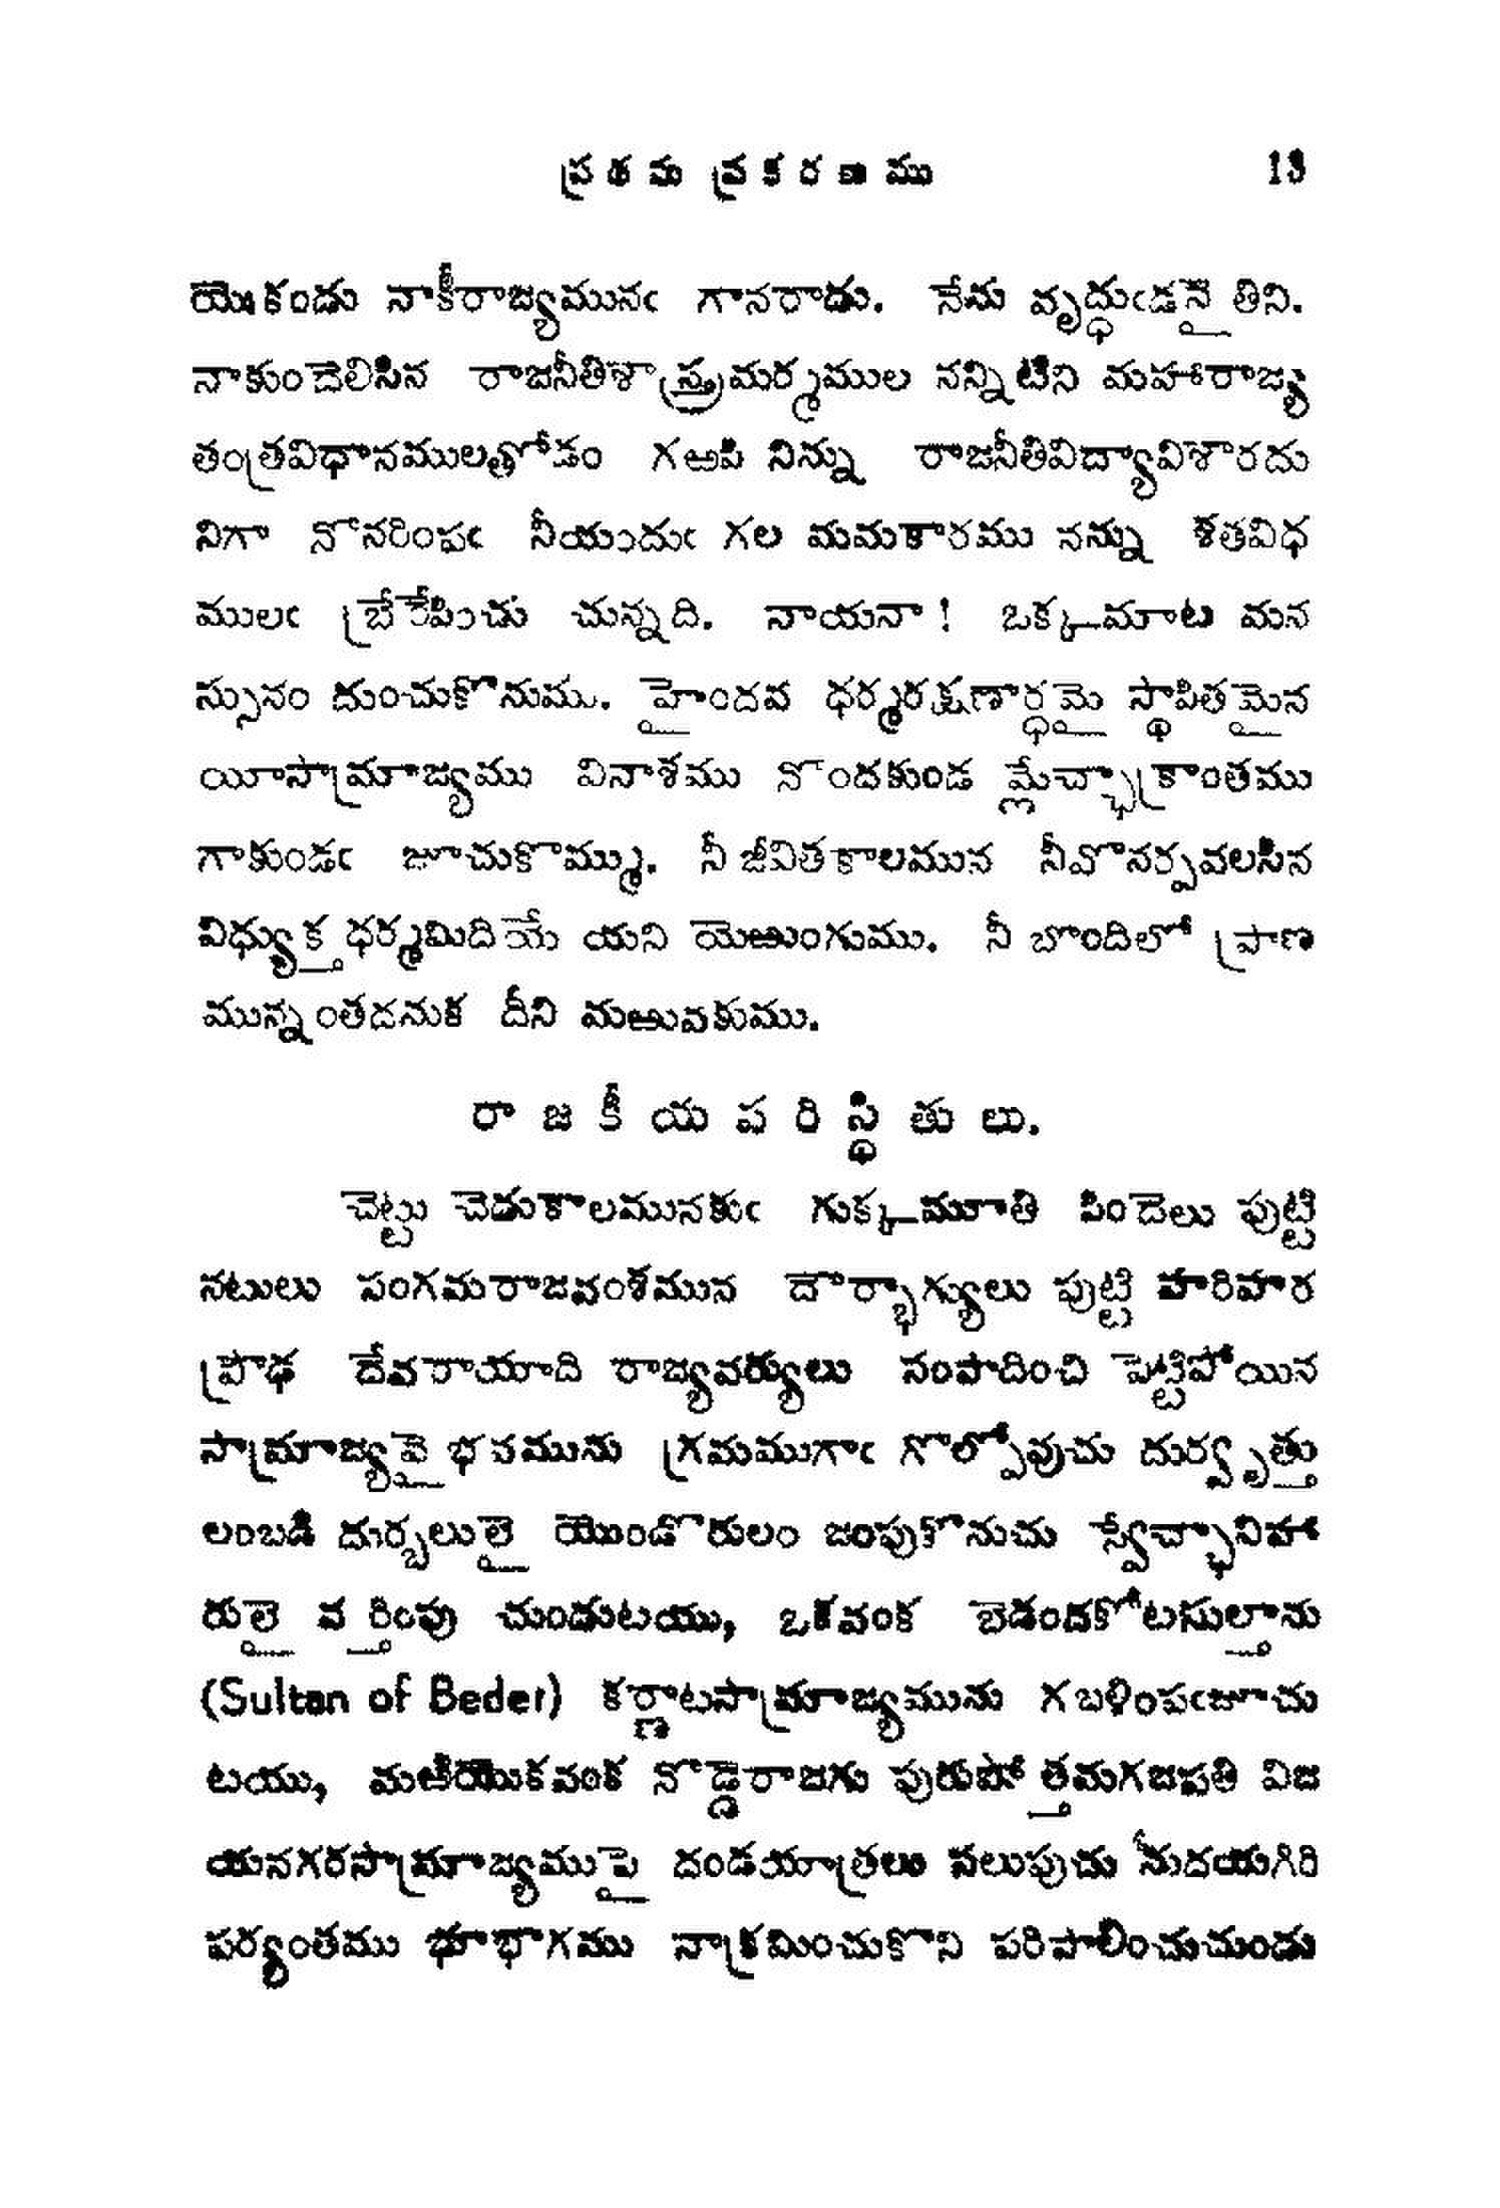యొకండు నాకీరాజ్యమునఁ గానరాడు. నేను వృద్ధుఁడనైతిని. నాకుందెలిసిన రాజనీతిశాస్త్ర మర్మముల నన్నిటిని మహారాజ్య తంత్రవిధానములతోడం గఱపి నిన్ను రాజనీతివిద్యావిశారదు నిగా నొనరింపఁ నీయందుఁ గల మమకారము నన్ను శతవిధములఁ బ్రేరేపించు చున్నది. నాయనా! ఒక్కమాట మనస్సునం దుంచుకొనుము. హైందవ ధర్మరక్షణార్ధమై స్థాపితమైన యీసామ్రాజ్యము వినాశము నొందకుండ మ్లేచ్ఛాక్రాంతము గాకుండఁ జూచుకొమ్ము. నీ జీవితకాలమున నీవొనర్పవలసిన విధ్యుక్తధర్మమిదియే యని యెఱుంగుము. నీ బొందిలో ప్రాణమున్నంతదనుక దీని మఱువకుము.

రాజకీయ పరిస్థితులు. 

చెట్టు చెడుకాలమునకుఁ గుక్కమూతి పిందెలు పుట్టినటులు సంగమరాజవంశమున దౌర్భాగ్యులు పుట్టి హరిహరప్రౌఢ దేవరాయాది రాజ్యవర్యులు సంపాదించి పెట్టిపోయిన సామ్రాజ్యవైభవమును గ్రమముగాఁ గొల్పోవుచు దుర్వృత్తులంబడి దుర్బలులై యొండొరులం జంపుకొనుచు స్వేచ్ఛావిహారులై వర్తింపు చుండుటయు, ఒకవంక బెడందకోటసుల్తాను (Sultan of Beder) కర్ణాటసామ్రాజ్యమును గబళింపఁజూచుటయు, మఱియొకవంక నొడ్డెరాజగు పురుషోత్తమగజపతి విజయనగర సామ్రాజ్యముపై దండయాత్రలు సలుపుచు నుదయగిరి పర్యంతము భూభాగము నాక్రమించుకొని పరిపాలించుచుండు